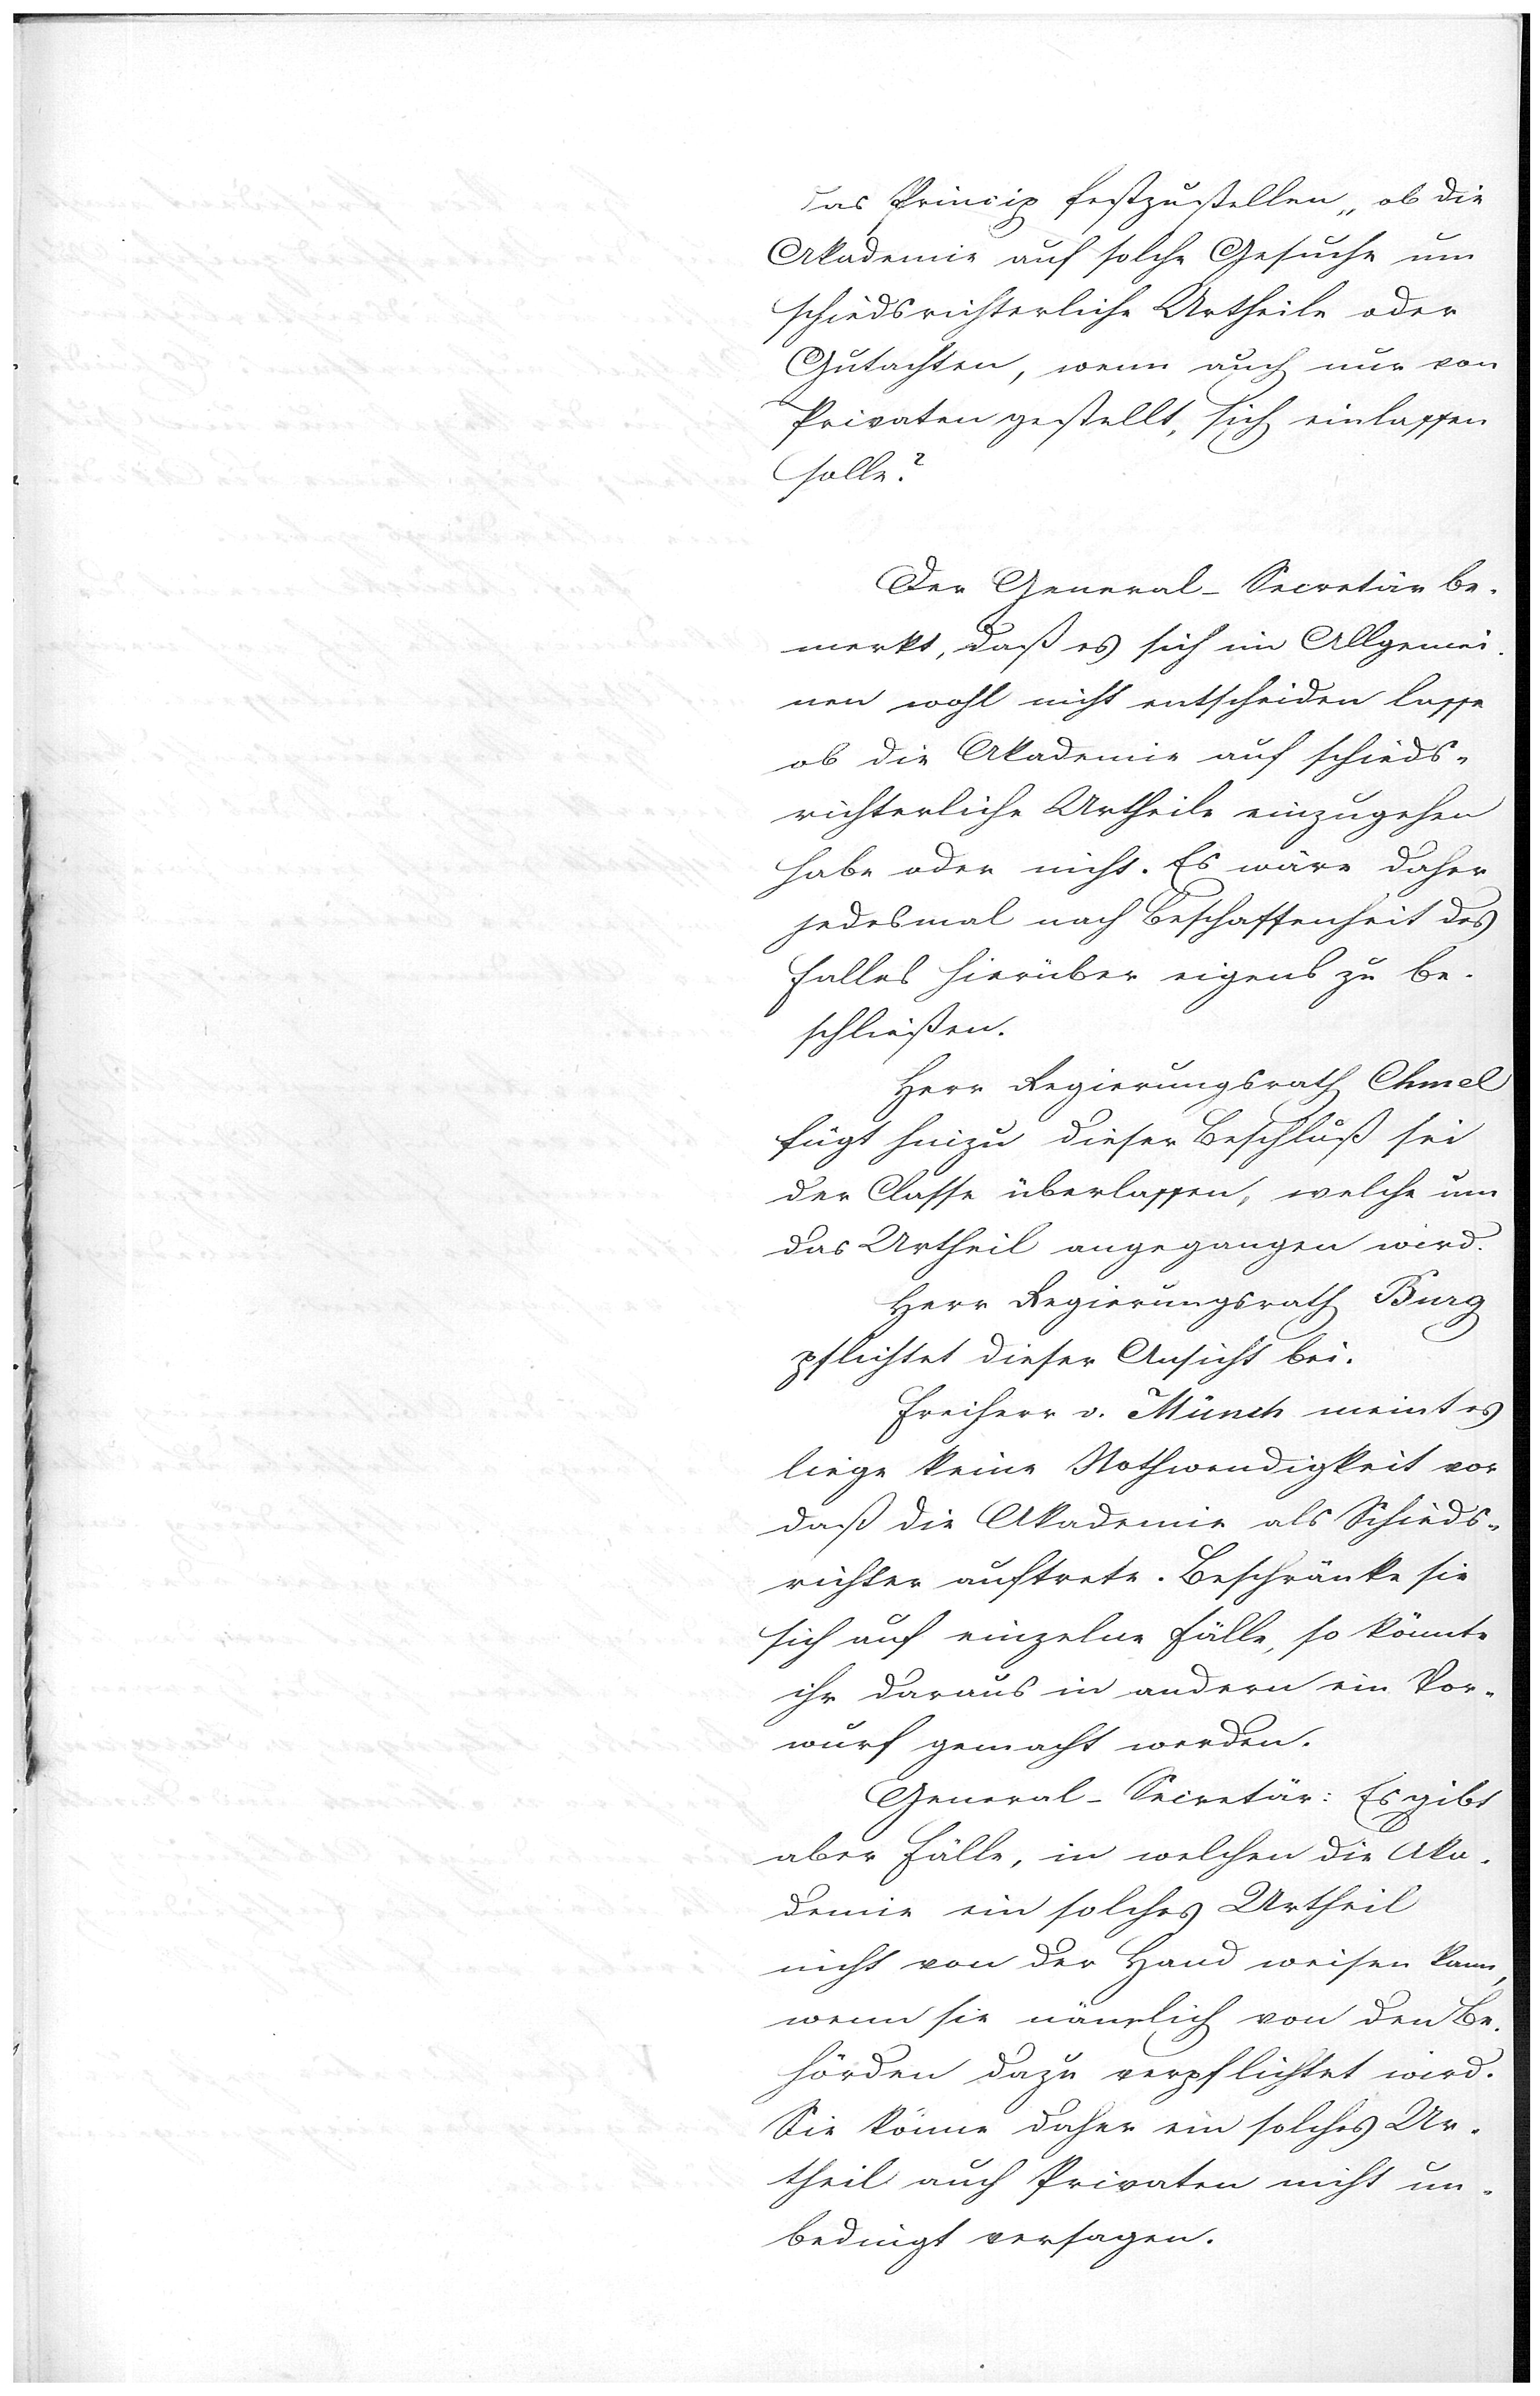das Princip festzustellen, ob die
Akademie auf solche Gesuche um
schiedsrichterliche Urtheile oder
Gutachten, wenn auch nur von
Privaten gestellt, sich einlassen
solle?
Der General-Secretär be-
merkt, daß es sich im Allgemei-
nen wohl nicht entscheiden lasse
ob die Akademie auf schieds-
richterliche Urtheile einzugehen
habe oder nicht. Es wäre daher
jedesmal nach Beschaffenheit des
Falles hierüber eigens zu be-
schließen.
Herr Regierungsrath Chmel
fügt hinzu dieser Beschluß sei
der Classe überlassen, welche um
das Urtheil angegangen wird.
Herr Regierungsrath Burg
pflichtet dieser Ansicht bei.
Freiherr v. Münch meint es
liege keine Nothwendigkeit vor
daß die Akademie als Schieds-
richter auftrete. Beschränke sie
sich auf einzelne Fälle, so könnte
ihr daraus in andern ein Vor-
wurf gemacht werden.
General-Secretär: Es gibt
aber Fälle, in welchen die Aka-
demie ein solches Urtheil
nicht von der Hand weisen kann,
wenn sie nämlich von den Be-
hörden dazu verpflichtet wird.
Sie könne daher ein solches Ur-
theil auch Privaten nicht un-
bedingt versagen.